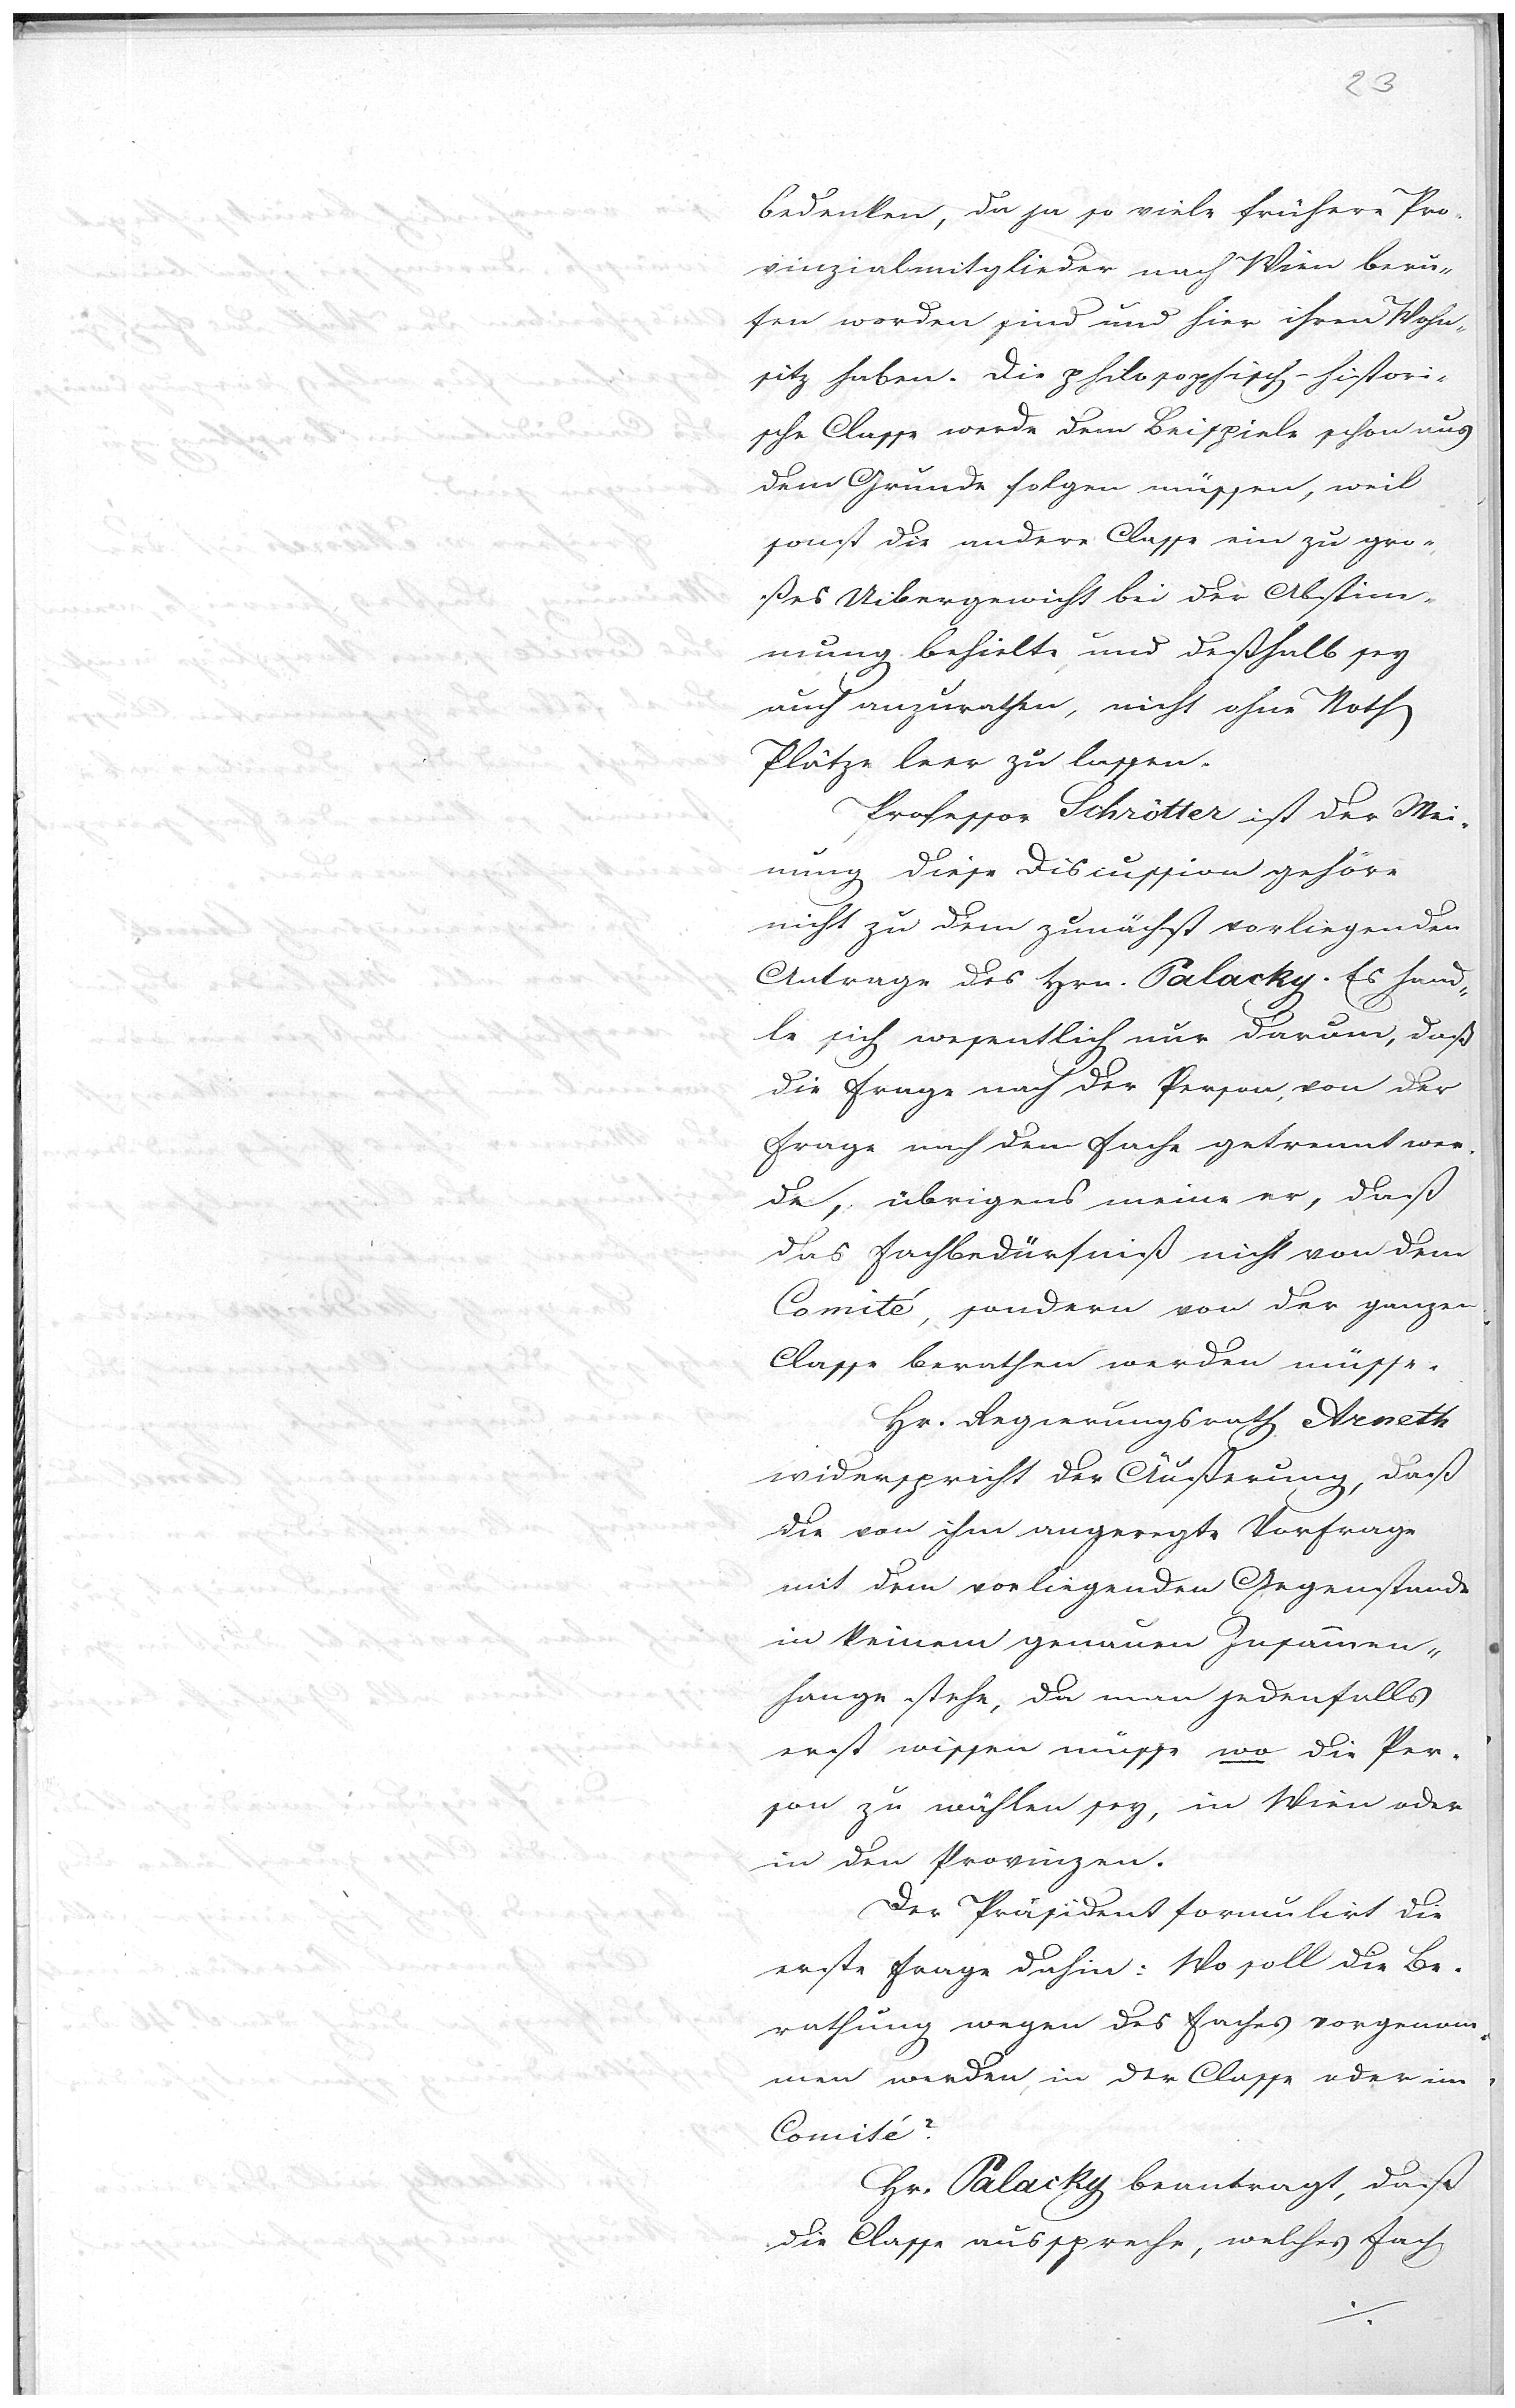bedenken, da ja so viele frühere Pro-
vinzialmitglieder nach Wien beru-
fen worden sind und hier ihren Wohn-
sitz haben. Die philosophisch-histori-
sche Classe werde dem Beispiele schon aus
dem Grunde folgen müssen, weil
sonst die andere Classe ein zu gro-
ßes Uibergewicht bei der Abstim-
mung behielte und deßhalb sey
auch anzurathen, nicht ohne Noth
Plätze leer zu lassen.
Professor Schrötter ist der Mei-
nung diese Discussion gehöre
nicht zu dem zunächst vorliegenden
Antrage des Hrn. Palacky. Es hand-
le sich wesentlich nur darum, daß
die Frage nach der Person von der
Frage auch dem Fache getrennt wer-
de, übrigens meine er, daß
das Fachbedürfniß nicht von dem
Comité, sondern von der ganzen
Classe berathen werden müsse.
Hr. Regierungsrath Arneth
widerspricht der Äußerung, daß
die von ihm angeregte Vorfrage
mit dem vorliegenden Gegenstande
in keinem genauen Zusammen-
hange stehe, die man jedenfalls
erst wissen müsse wo die Per-
son zu wählen sey, in Wien oder
in den Provinzen.
Der Präsident formulirt die
erste Frage dahin: Wo soll die Be-
rathung wegen des Faches vorgenom-
men werden, in der Classe oder im
Comité?
Hr. Palacky beantragt, daß
die Classe ausspreche, welches Fach